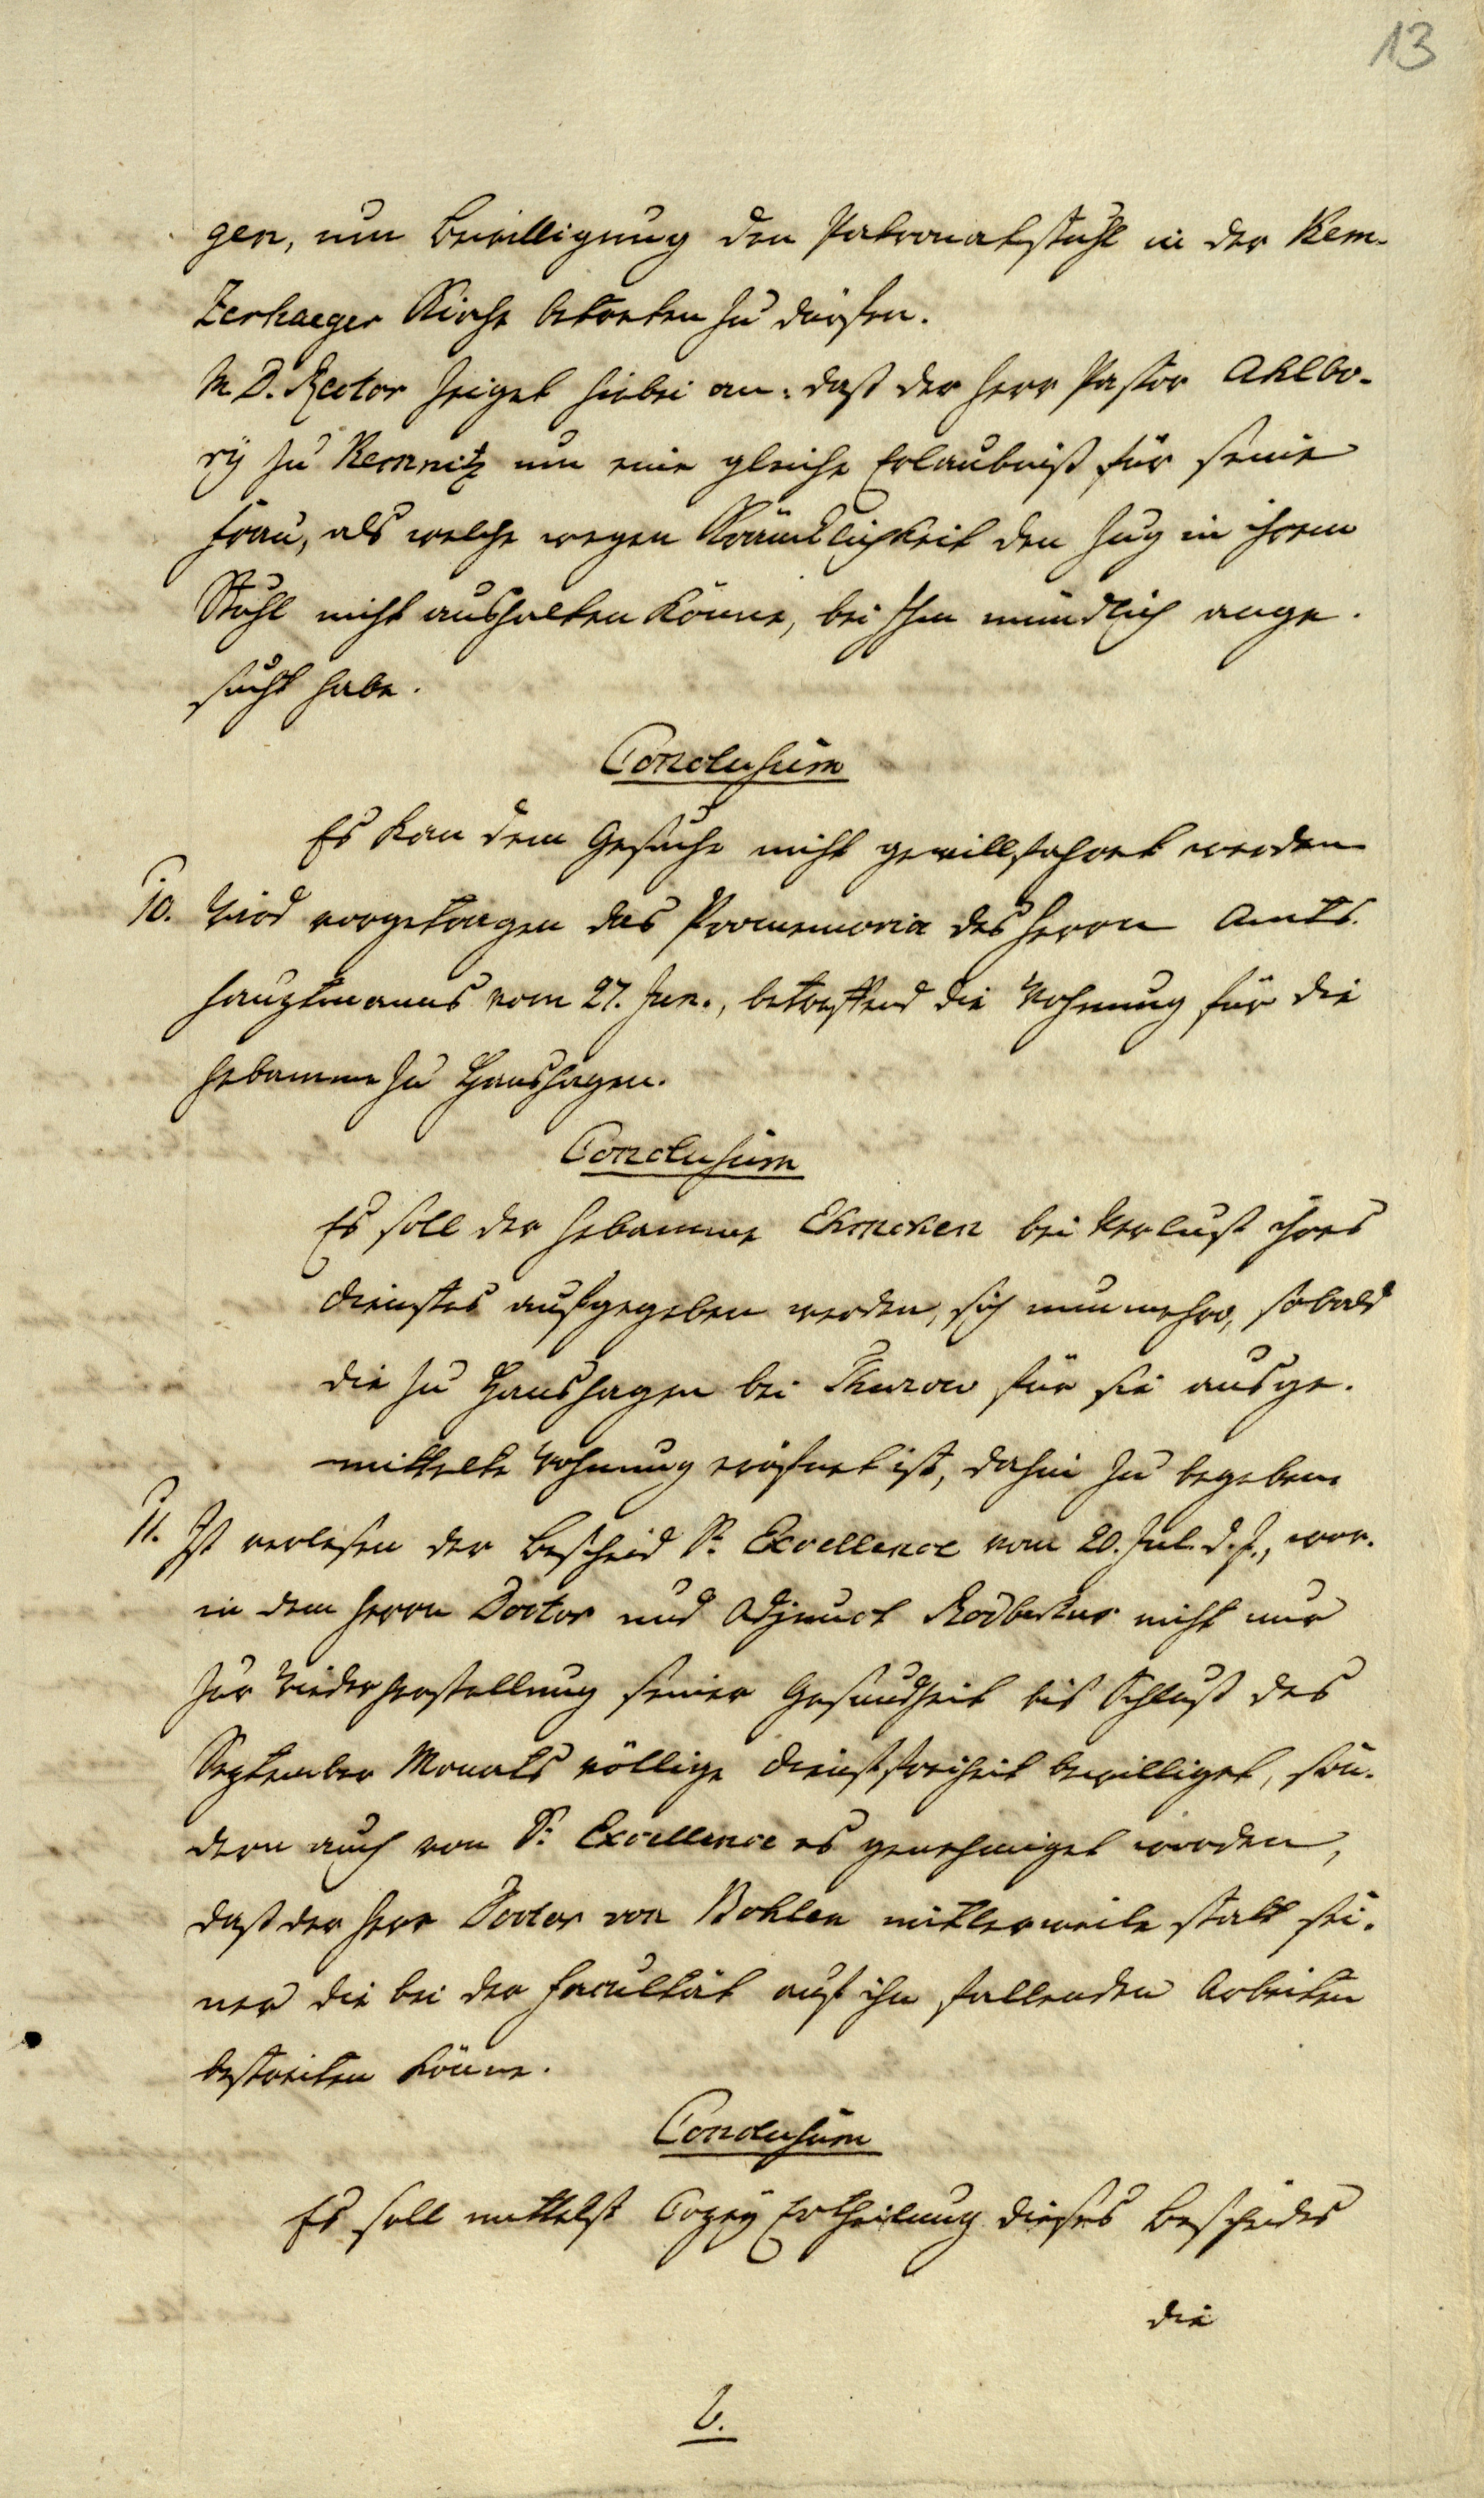gen, um Bewilligung den Patronatsstuhl in der Kem¬
Zerhaeger Kirche betreten zu dürfen.
M. D. Rector zeiget hiebei an: daß der Herr Pastor Ahlbo¬
rÿ zu Kemnitz um eine gleiche Erlaubniß für seine
Frau, als welche wegen Kränklichkeit den Zug in ihrem
Stuhl nicht aushalten könne, bei Ihm mündlich ange
sucht habe.
Conclusum
Es kan dem Gesuche nicht gewillfahret werden
10. Wird vorgetragen das Promemoria des Herrn Amts¬
hauptmanns vom 27. Jun., betreffend die Wohnung für die
Hebamme zu Hanshagen.
Conclusum
Es soll der Hebamme Ehmcken bei Verlust ihres
Dienstes aufgegeben werden, sich nunmehro, sobald
die zu Hanshagen bei Thurow für sie ausge¬
mittelte Wohnung eröfnet ist, dahin zu begeben.
11. Ist verlesen der Bescheid Sr Excellence vom 20. Jul. d. J., wor¬
in dem Herrn Doctor und Adjunct Rodbertus nicht nur
zur Wiederherstellung seiner Gesundheit bis Schluß des
September Monats völlige Dienstfreiheit bewilliget, son¬
dern auch von Sr Excellence es genehmiget werden,
daß der Herr Doctor von Bohlen mitlerweile statt sei¬
ner die bei der Facultät auf ihn fallenden Arbeiten
bestreiten könne.
Conclusum
Es soll mittelst Copeÿ Ertheilung dieses Bescheides
die
2.